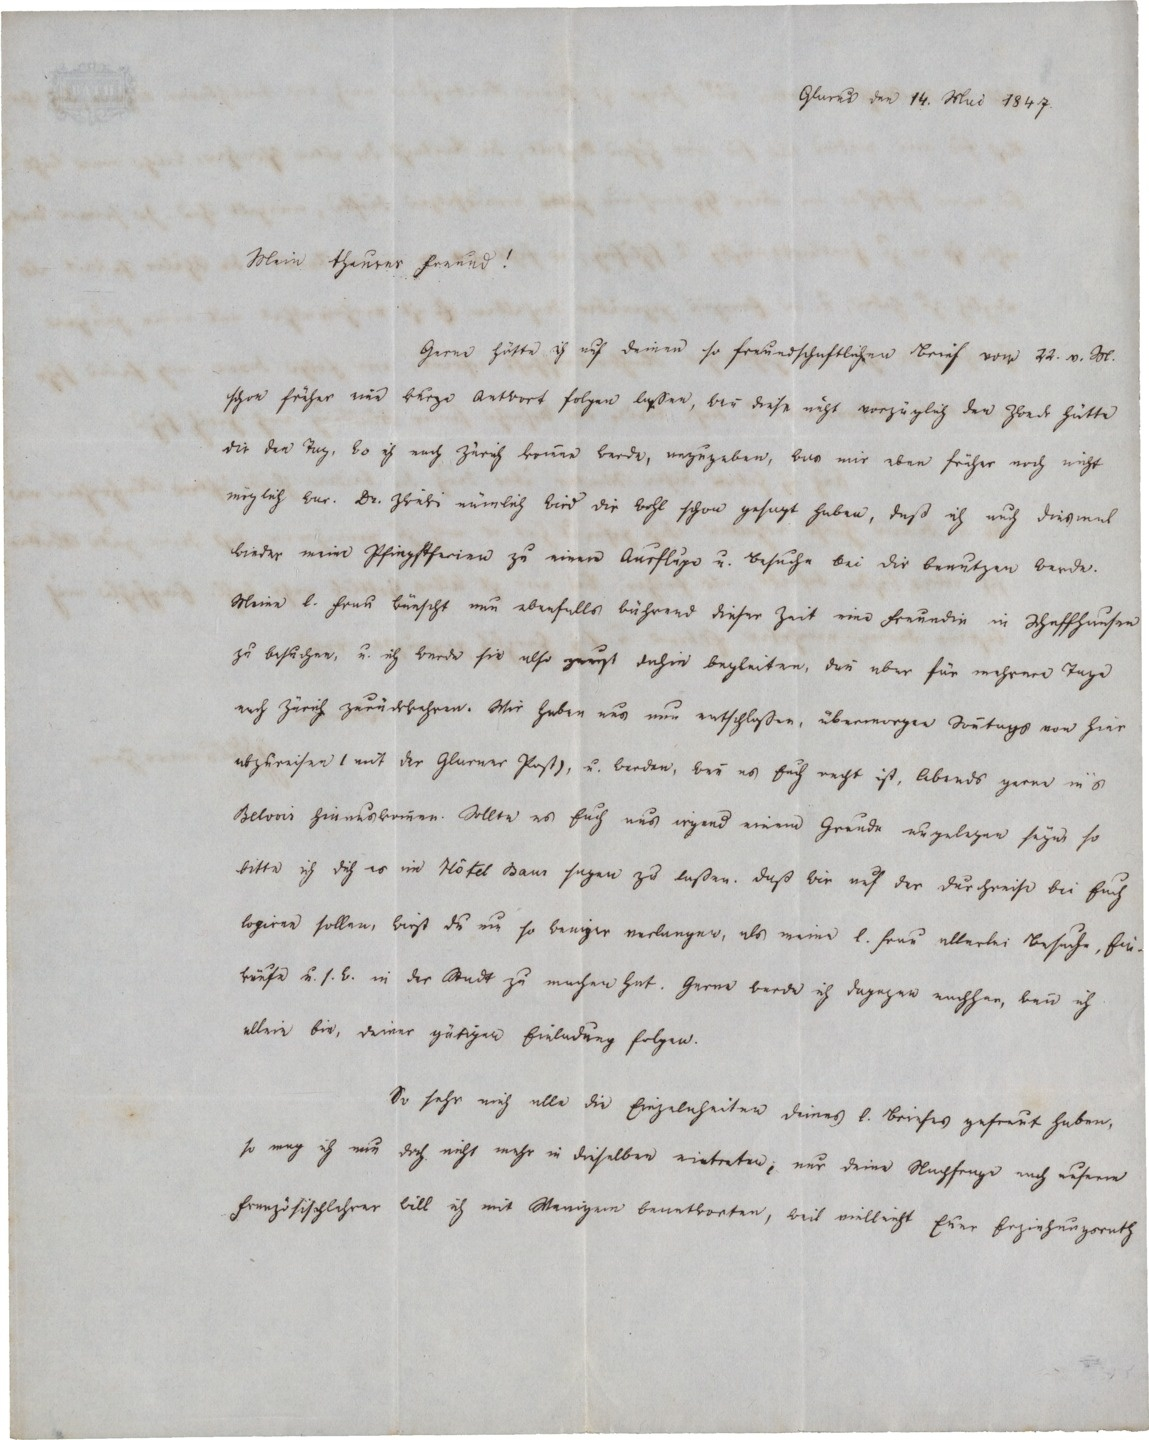Glarus den 14. Mai 1847.
Mein theurer Freund!
Gerne hätte ich auf deinen so freundschaftlichen Brief vom 22. v. M.
schon früher eine kurze Antwort folgen lassen, wenn diese nicht vorzüglich den Zweck hätte
dir den Tag, wo ich nach Zürich kommen werde, anzugeben, was mir eben früher noch nicht
möglich war. Dr. Zwicki nämlich wird dir wohl schon gesagt haben, daß ich auch diesmal
wieder meine Pfingstferien zu einem Ausfluge u. Besuche bei dir benutzen werde.
Meine l. Frau wünscht nun ebenfalls während dieser Zeit eine Freundin in Schaffhausen
zu besuchen, u. ich werde sie also zuerst dahin begleiten, dann aber für mehrere Tage
nach Zürich zurückkehren. Wir haben uns nun entschlossen, übermorgen Sonntags von hier
abzureisen (mit der Glarner Post), u. werden, wenn es Euch recht ist, Abends gerne in's
Belvoir hinauskommen. Sollte es Euch aus irgend einem Grunde ungelegen seyn, so
bitte ich dich es im Hôtel Baur sagen zu lassen. Daß wir auf der Druchreise bei Euch
logiren sollen, wirst du um so weniger verlangen, als meine l. Frau allerlei Besuche, Ein-
käufe u. s. w. in der Stadt zu machen hat. Gerne werde ich dagegen nachher, wenn ich
allein bin, deiner gütigen Einladung folgen.
So sehr mich alle die Einzelnheiten deines l. Briefes gefreut haben,
so mag ich nun doch nicht mehr in dieselben eintreten; nur deine Nachfrage nach unserm
Französischlehrer will ich mit Wenigem beantworten, weil vielleicht Euer Erziehungsrath